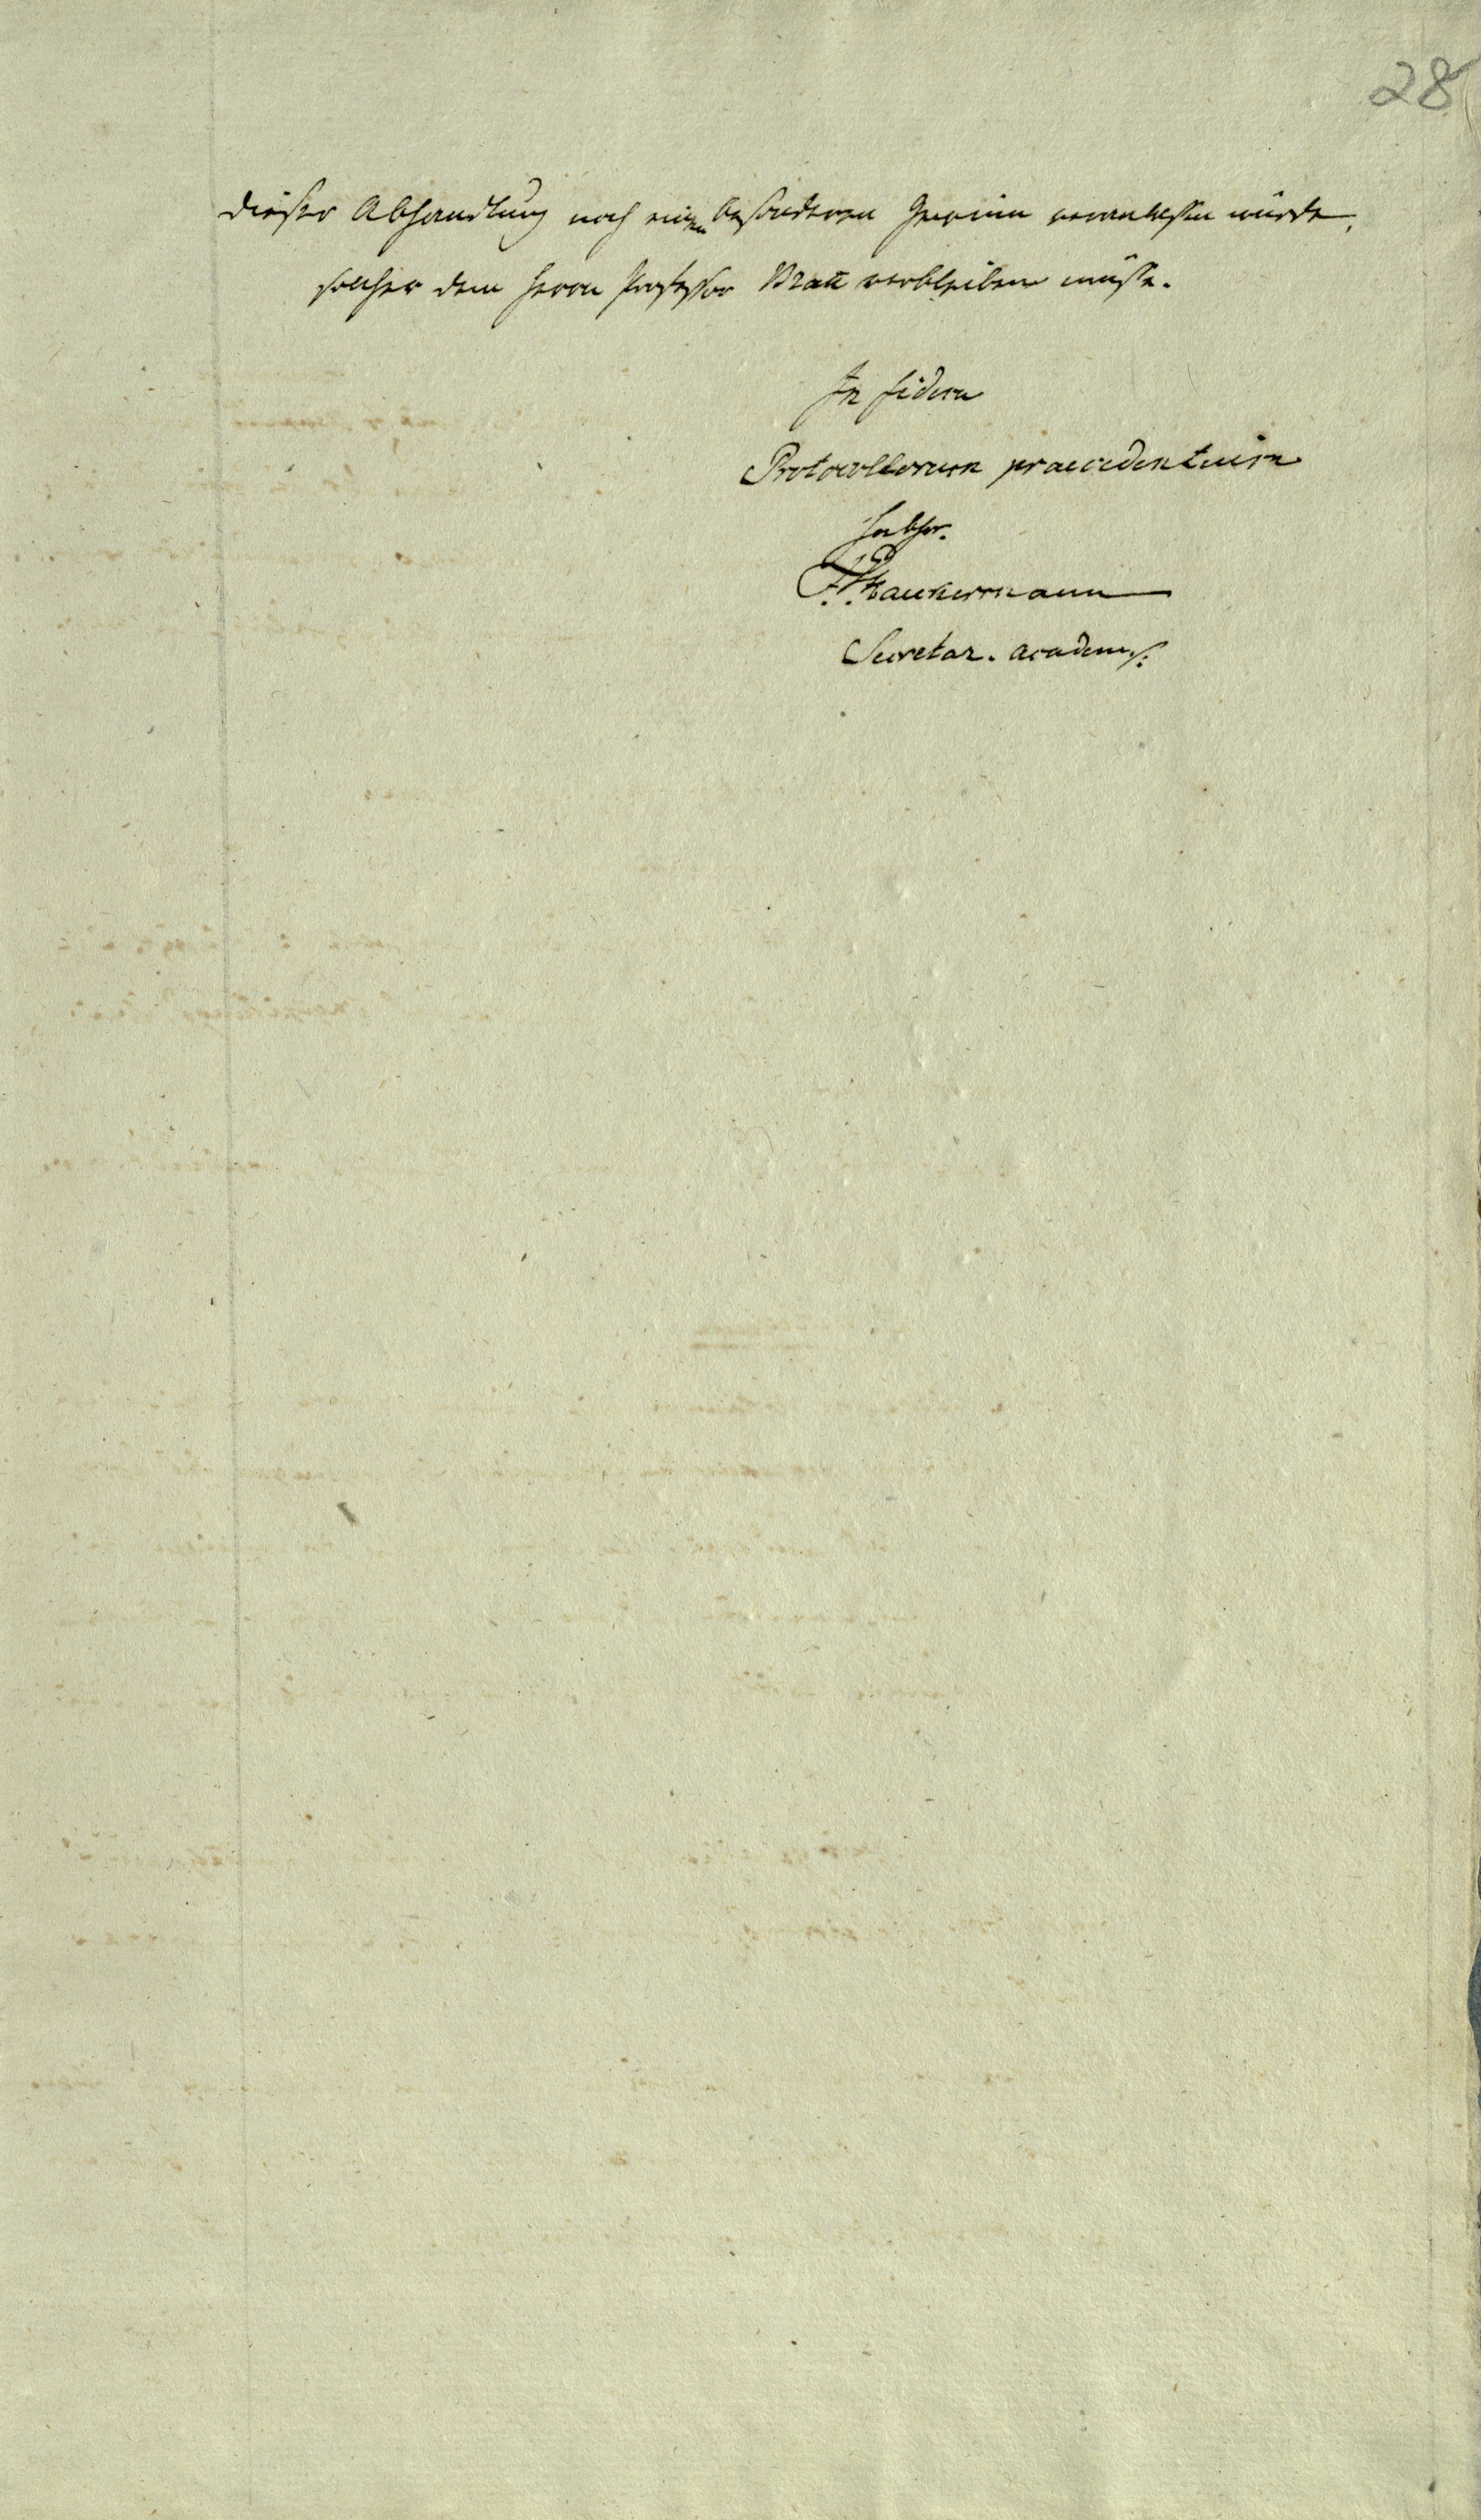dieser Abhandlung noch einen besonderen Gewinn veranlassen würde,
solcher dem Herrn Professor Bratt verbleiben müsse.
In fidem
Protocollorum praecedentium
subscr.
J.G. Haeckermann
Secretar. Academ./: